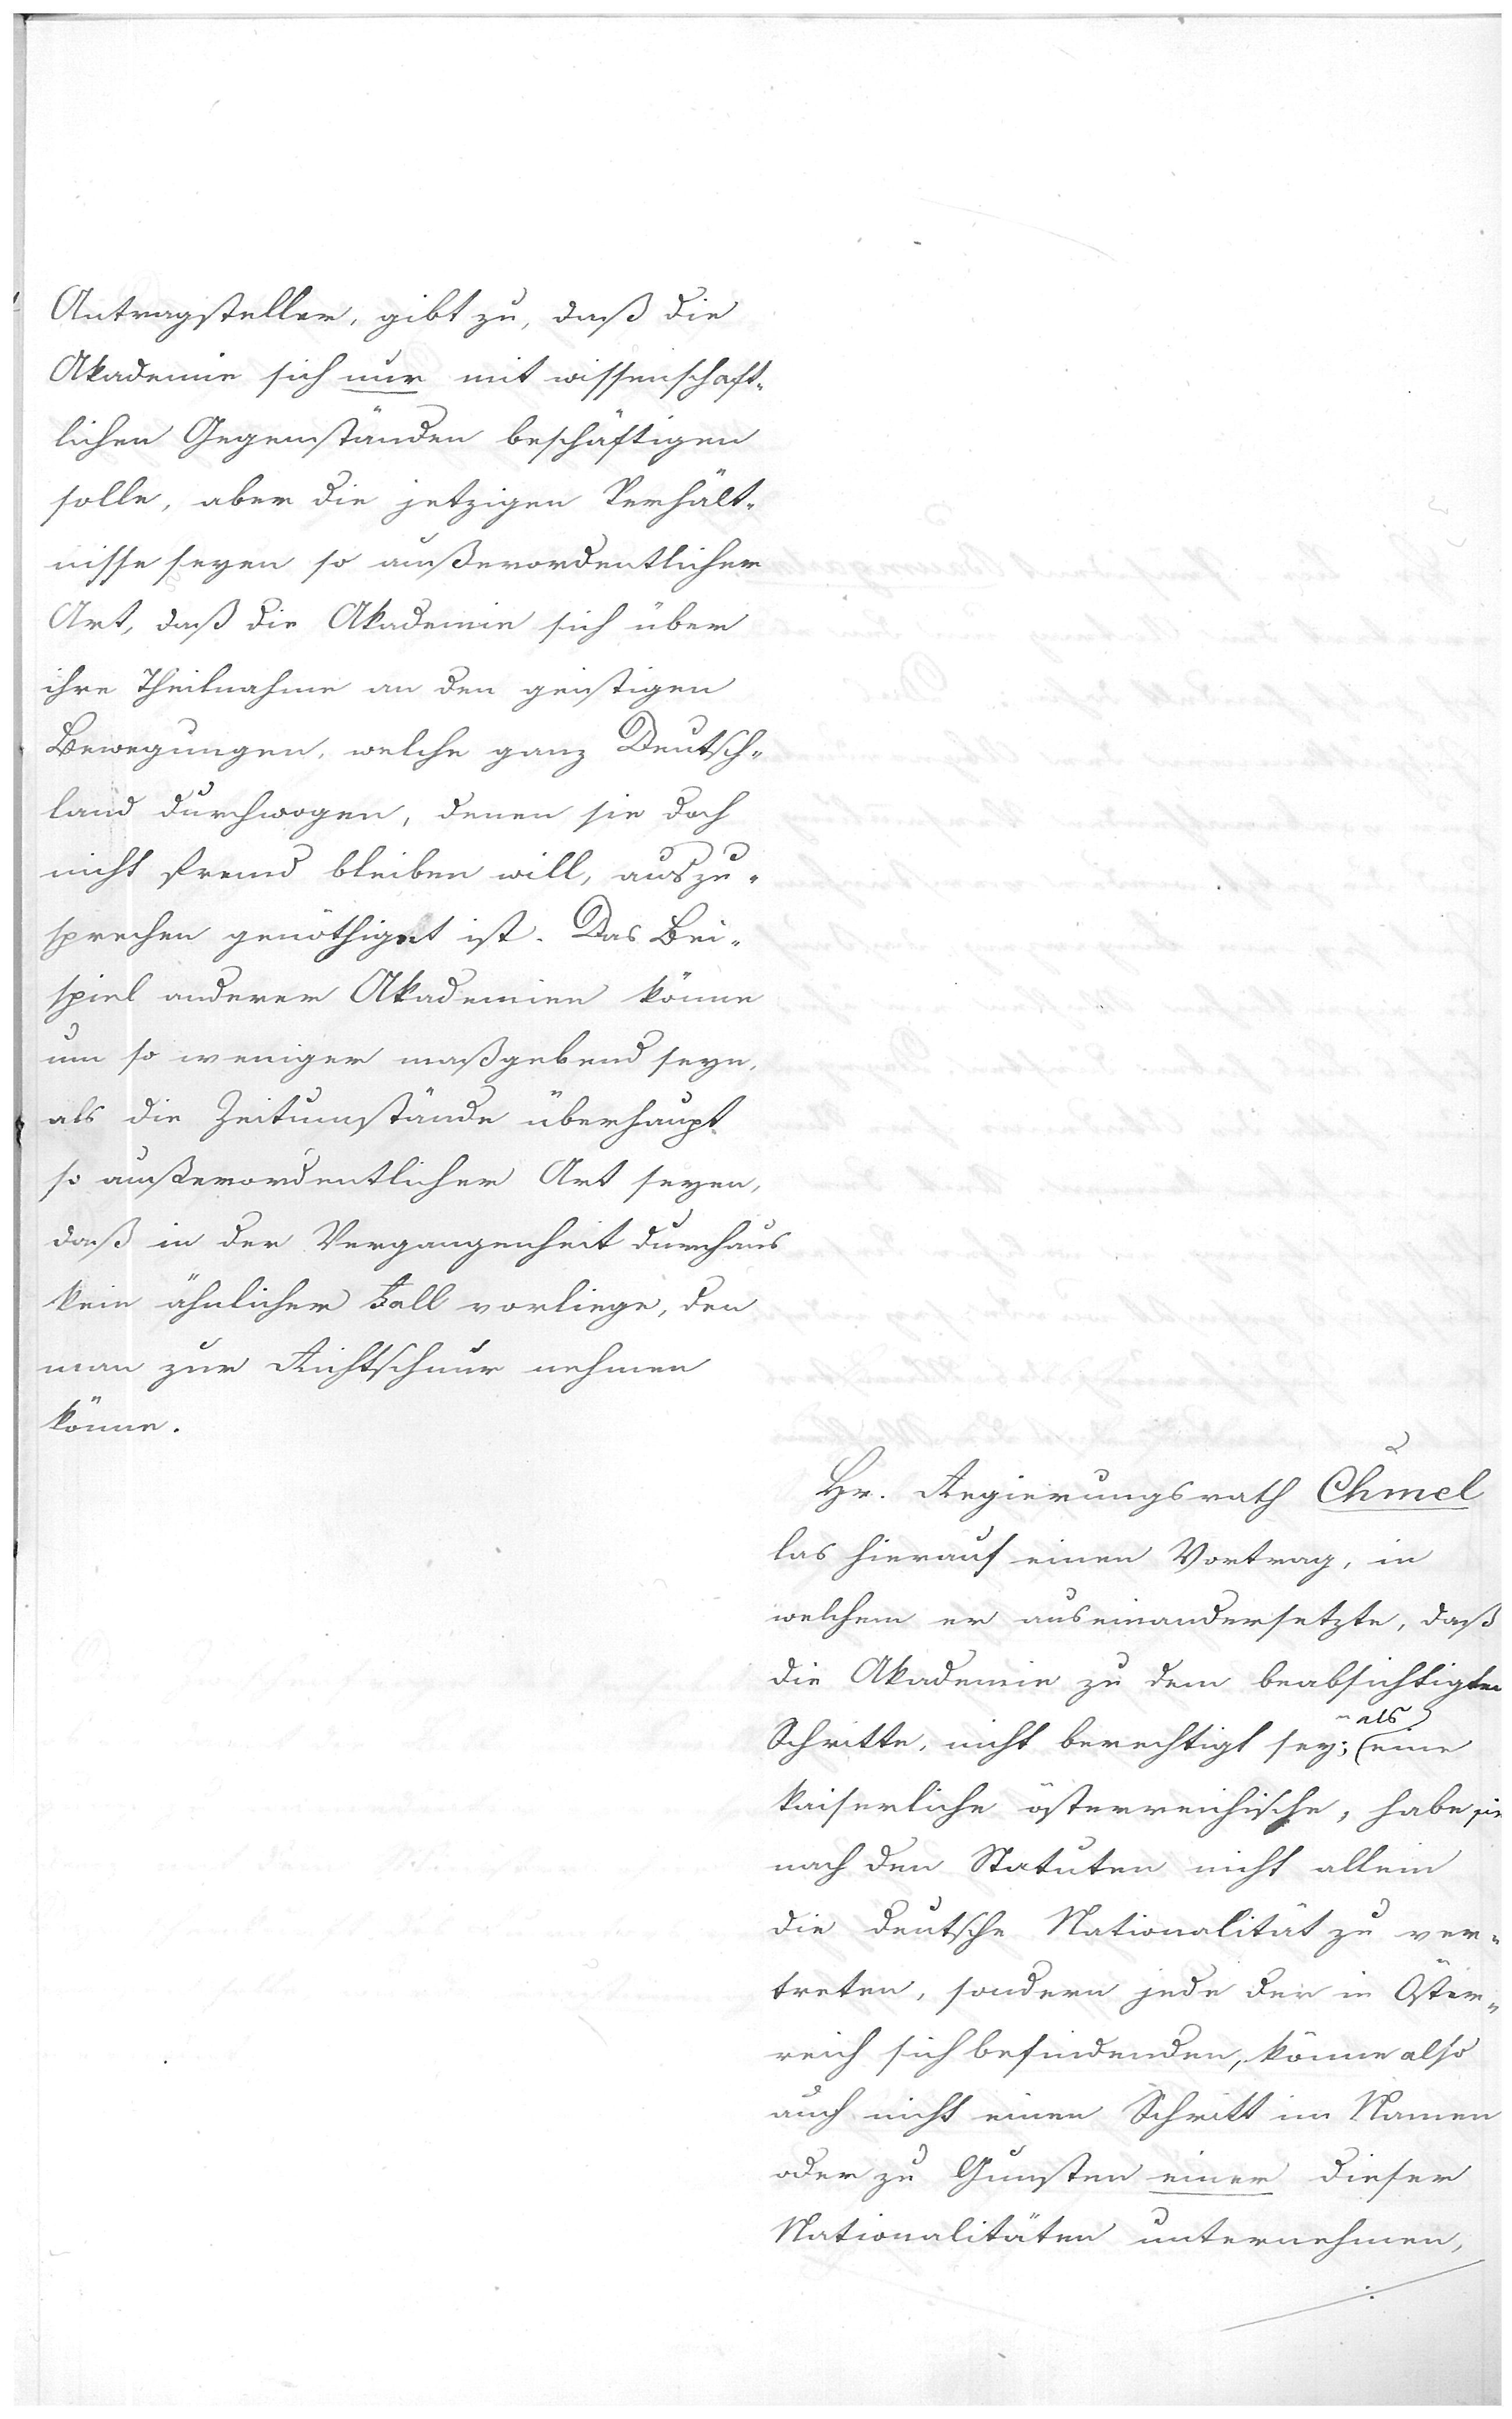Antragsteller, gibt zu, daß die
Akademie sich nur mit wissenschaft-
lichen Gegenständen beschäftigen
solle, aber die jetzigen Verhält-
nisse seyen so außerordentlicher
Art, daß die Akademie sich über
ihre Theilnahme an den geistigen
Bewegungen, welche ganz Deutsch-
lang durchwogen, denen sie doch
nicht fremd bleiben will, auszu-
sprechen genöthiget ist. Die Bei-
spiel anderer Akademien könne
um so weniger maßgebend seyn,
als die Zeitumstände überhaupt
so außerordentlicher Art seyen,
daß in der Vergangenheit durchaus
kein ähnlicher Fall vorliege, den
man zur Richtschnur nehmen
könne.
Hr. Regierungsrath Chmel
las hierauf einen Vortrag, in
welchem er auseinandersetzte, daß
die Akademie zu dem beabsichtigten
Schritte, nicht berechtigt sey; als eine
kaiserliche österreichische, habe sie
nach den Statuten nicht allein
die deutschen Nationalitat zu ver-
treten, sondern jede der in Öster-
reich sich befindenden, könne also
auch nicht einen Schritt im Namen
oder zu Gunsten einer dieser
Natonalitäten unternehmen,